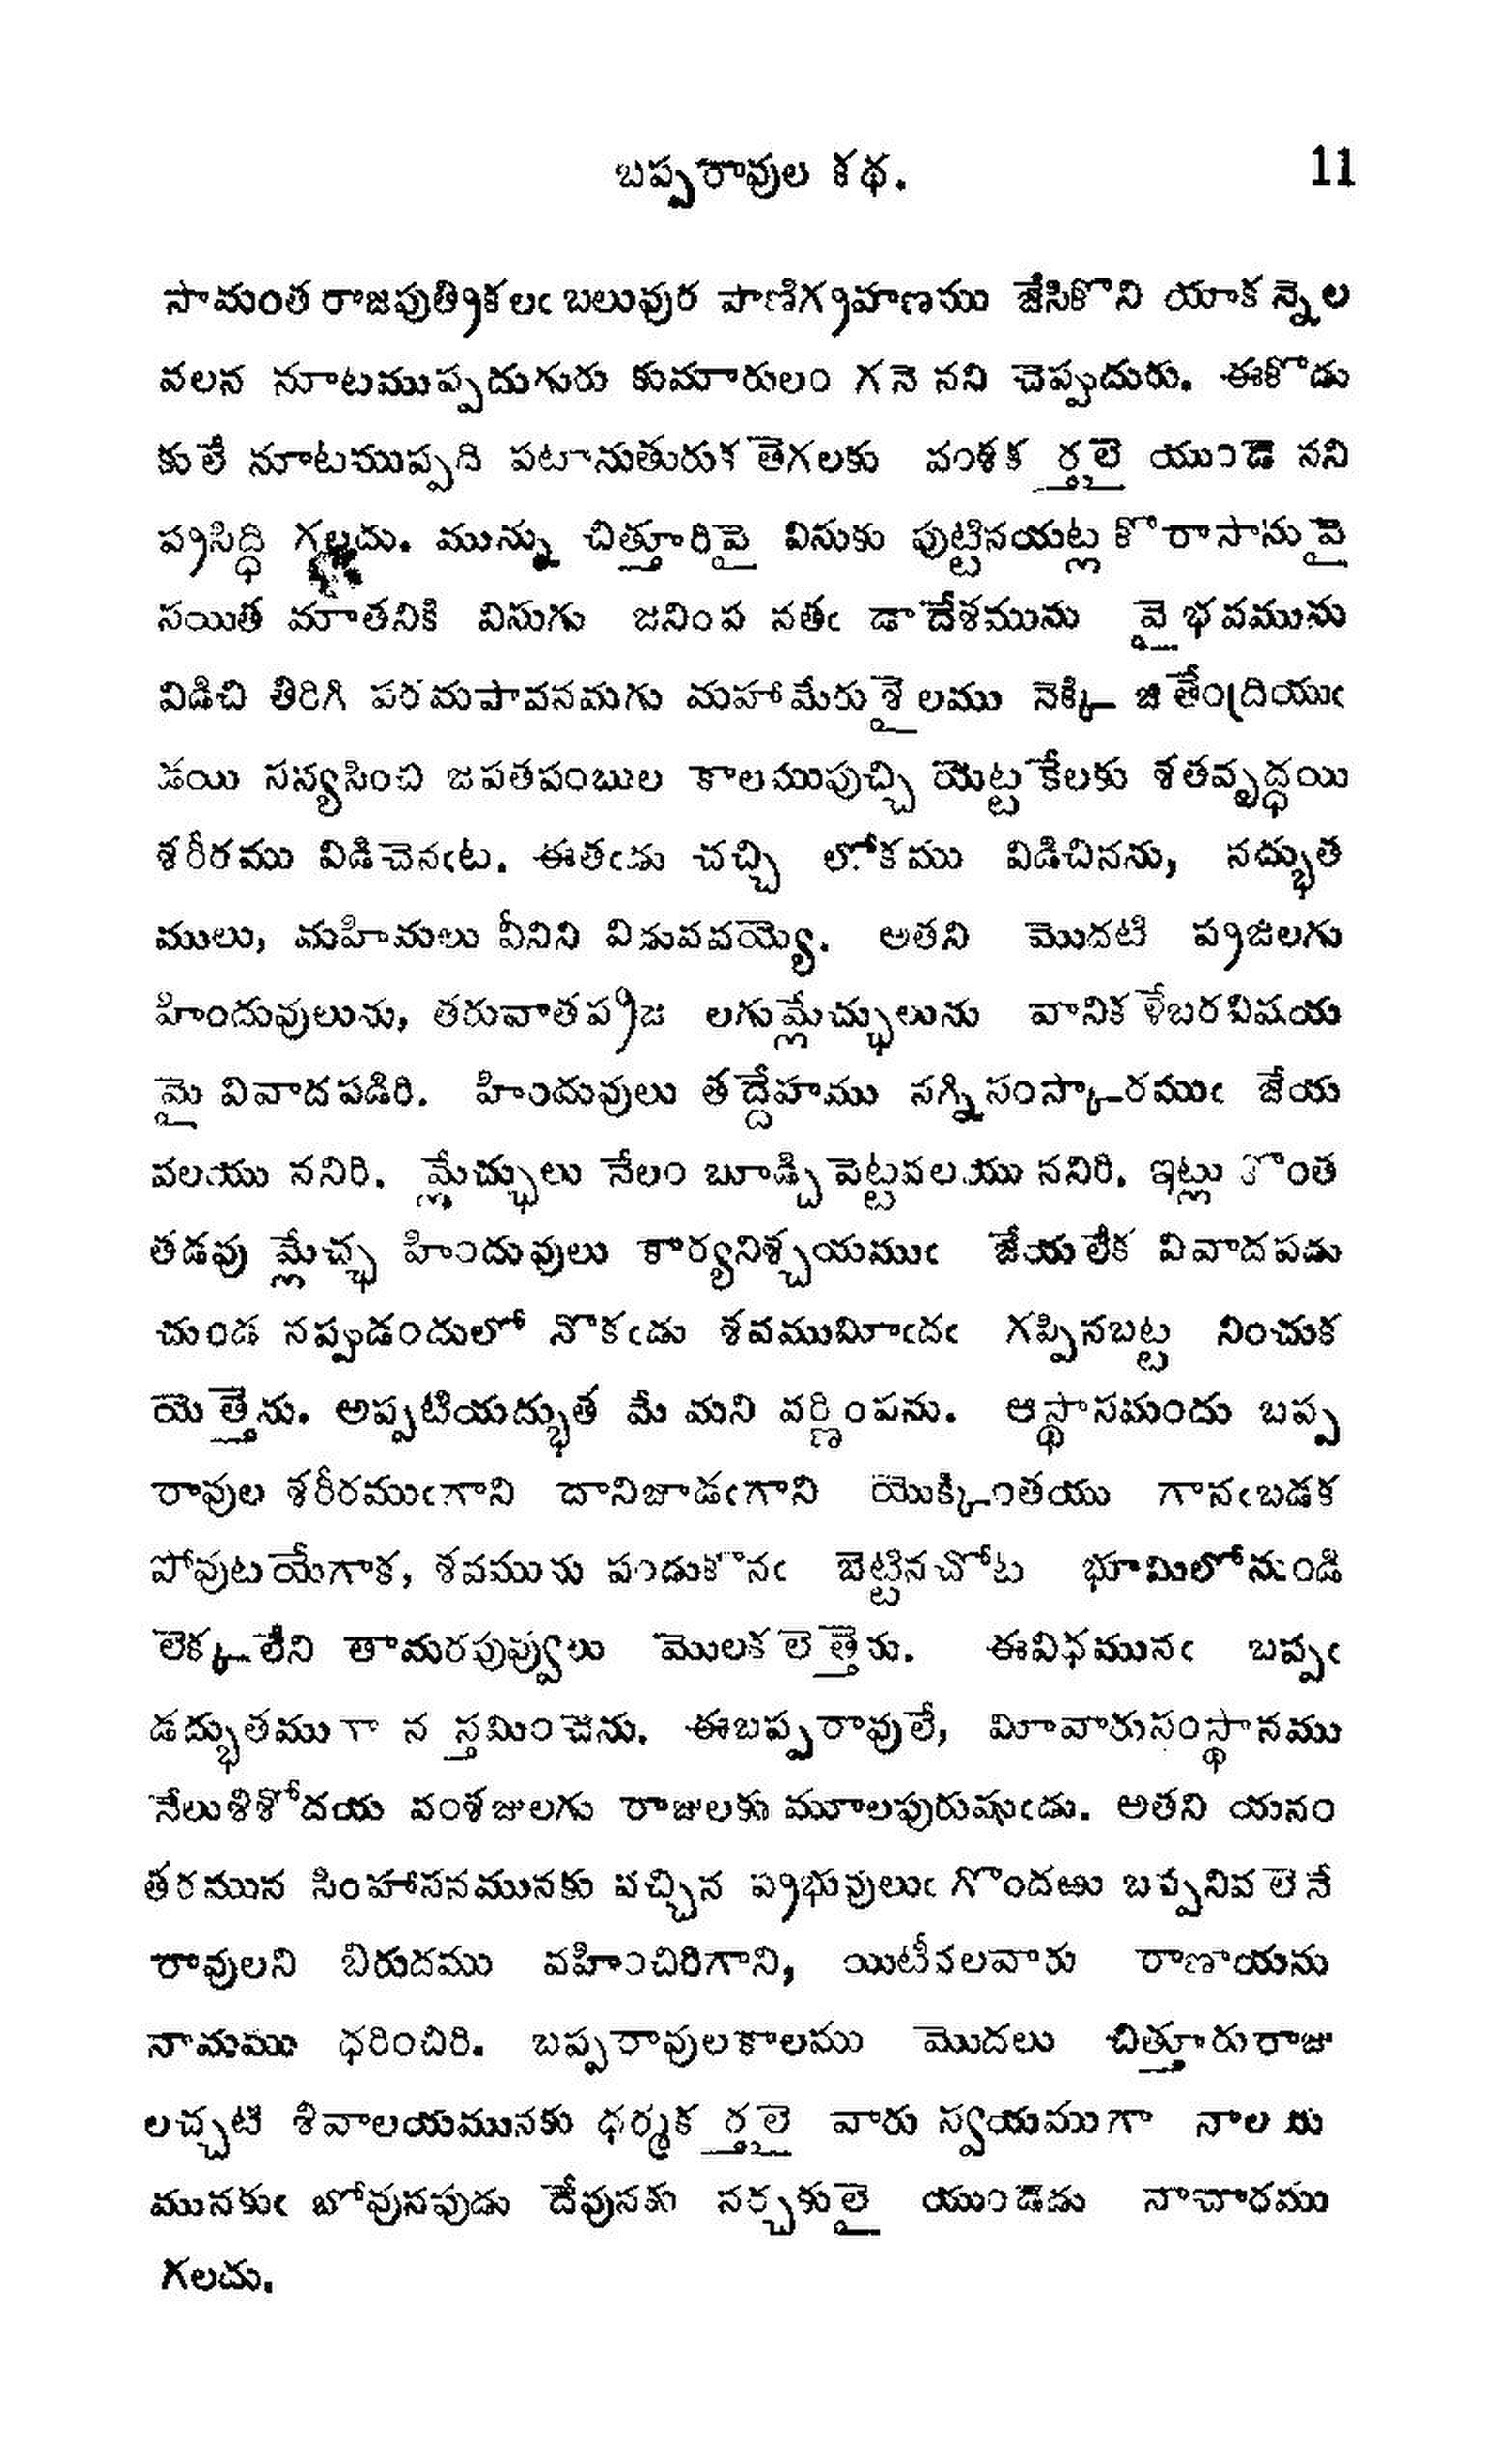సామంత రాజపుత్రిక లఁ బలువుర పాణిగ్రహణము జేసికొని యాకన్నెల వలన నూటముప్పదుగురు కుమారులం గనె నని చెప్పుదురు. ఈకోడుకులే నూటముప్పది పటానుతురుక తెగలకు వంశకర్తలై యుండె నని ప్రసిద్ధి గలదు. మున్ను చిత్తూరిపై విసుకు పుట్టినయట్ల కోరాసాను పై సయిత మాతనికి విసుగు జనింప నతం డా దేశమును వైభవమును విడిచి తిరిగి పరమపావనమగు మహా మేరు శైలము నెక్కి జితేంద్రియుఁడయి సన్యసించి జపతపంబుల కాలముపుచ్చి యెట్ట కేలకు శతవృద్ధయి శరీరము విడిచెనఁట. ఈతఁడు చచ్చి లోకము విడిచినను, నద్భుతములు, మహిమలు వీనిని విడువ వయ్యె. అతని మొదటి ప్రజలకు హిందువులును, తరువాత ప్రజ లగుమ్లేచ్ఛులును వాని కళేబర విషయమై వివాదపడిరి. హిందువులు తద్దేహము నగ్ని సంస్కారముఁ జేయవలయు ననిరి. మేచ్చులు నేలం బూడ్చి పెట్టవలయు ననిరి. ఇట్లు కొంత తడవు మ్లేచ్ఛ హిందువులు కార్యనిశ్చయముఁ జేయ లేక వివాద పడు చుండ నప్పుడందులో నొకఁడు శవముమీఁదఁ గప్పినబట్ట నించుక యెత్తెను. అప్పటియద్భుత మే మని వర్ణింపను. ఆస్థానమందు బప్పరావుల శరీరముఁగాని దానిజాడఁగాని యొక్కింతయు గానఁబడక పోవుటయేగాక, శవమును పండుకోనఁ బెట్టిన చోట భూమిలోనుండి లెక్క లేని తామరపువ్వులు 'మొలక లెత్తేను. ఈవిధమునఁ బప్పఁ డద్భుతముగా,న స్తమించెను. ఈ బప్పరావు లే, మివారు సంస్థానము "నేలు శిశోదయ వంశజులగు రాజులకు మూలపురుషుడు. అతని యనంతరమున సింహాసనమునకు వచ్చిన ప్రభువులుఁ గొందఱు బప్పనివ లెనే రావులని బిరుదము వహించిరిగాని, యిటీవలవారు రాణాయను నామము ధరించిరి. బప్పరావుల కాలము మొదలు చిత్తూరు రాజు లచ్చటి శివాలయమునకు ధర్మకర్తలై వారు స్వయముగా నాలయమునకుఁ బోవునపుడు దేవునకు నర్చకులై యుండెడు నాచారము గలదు.